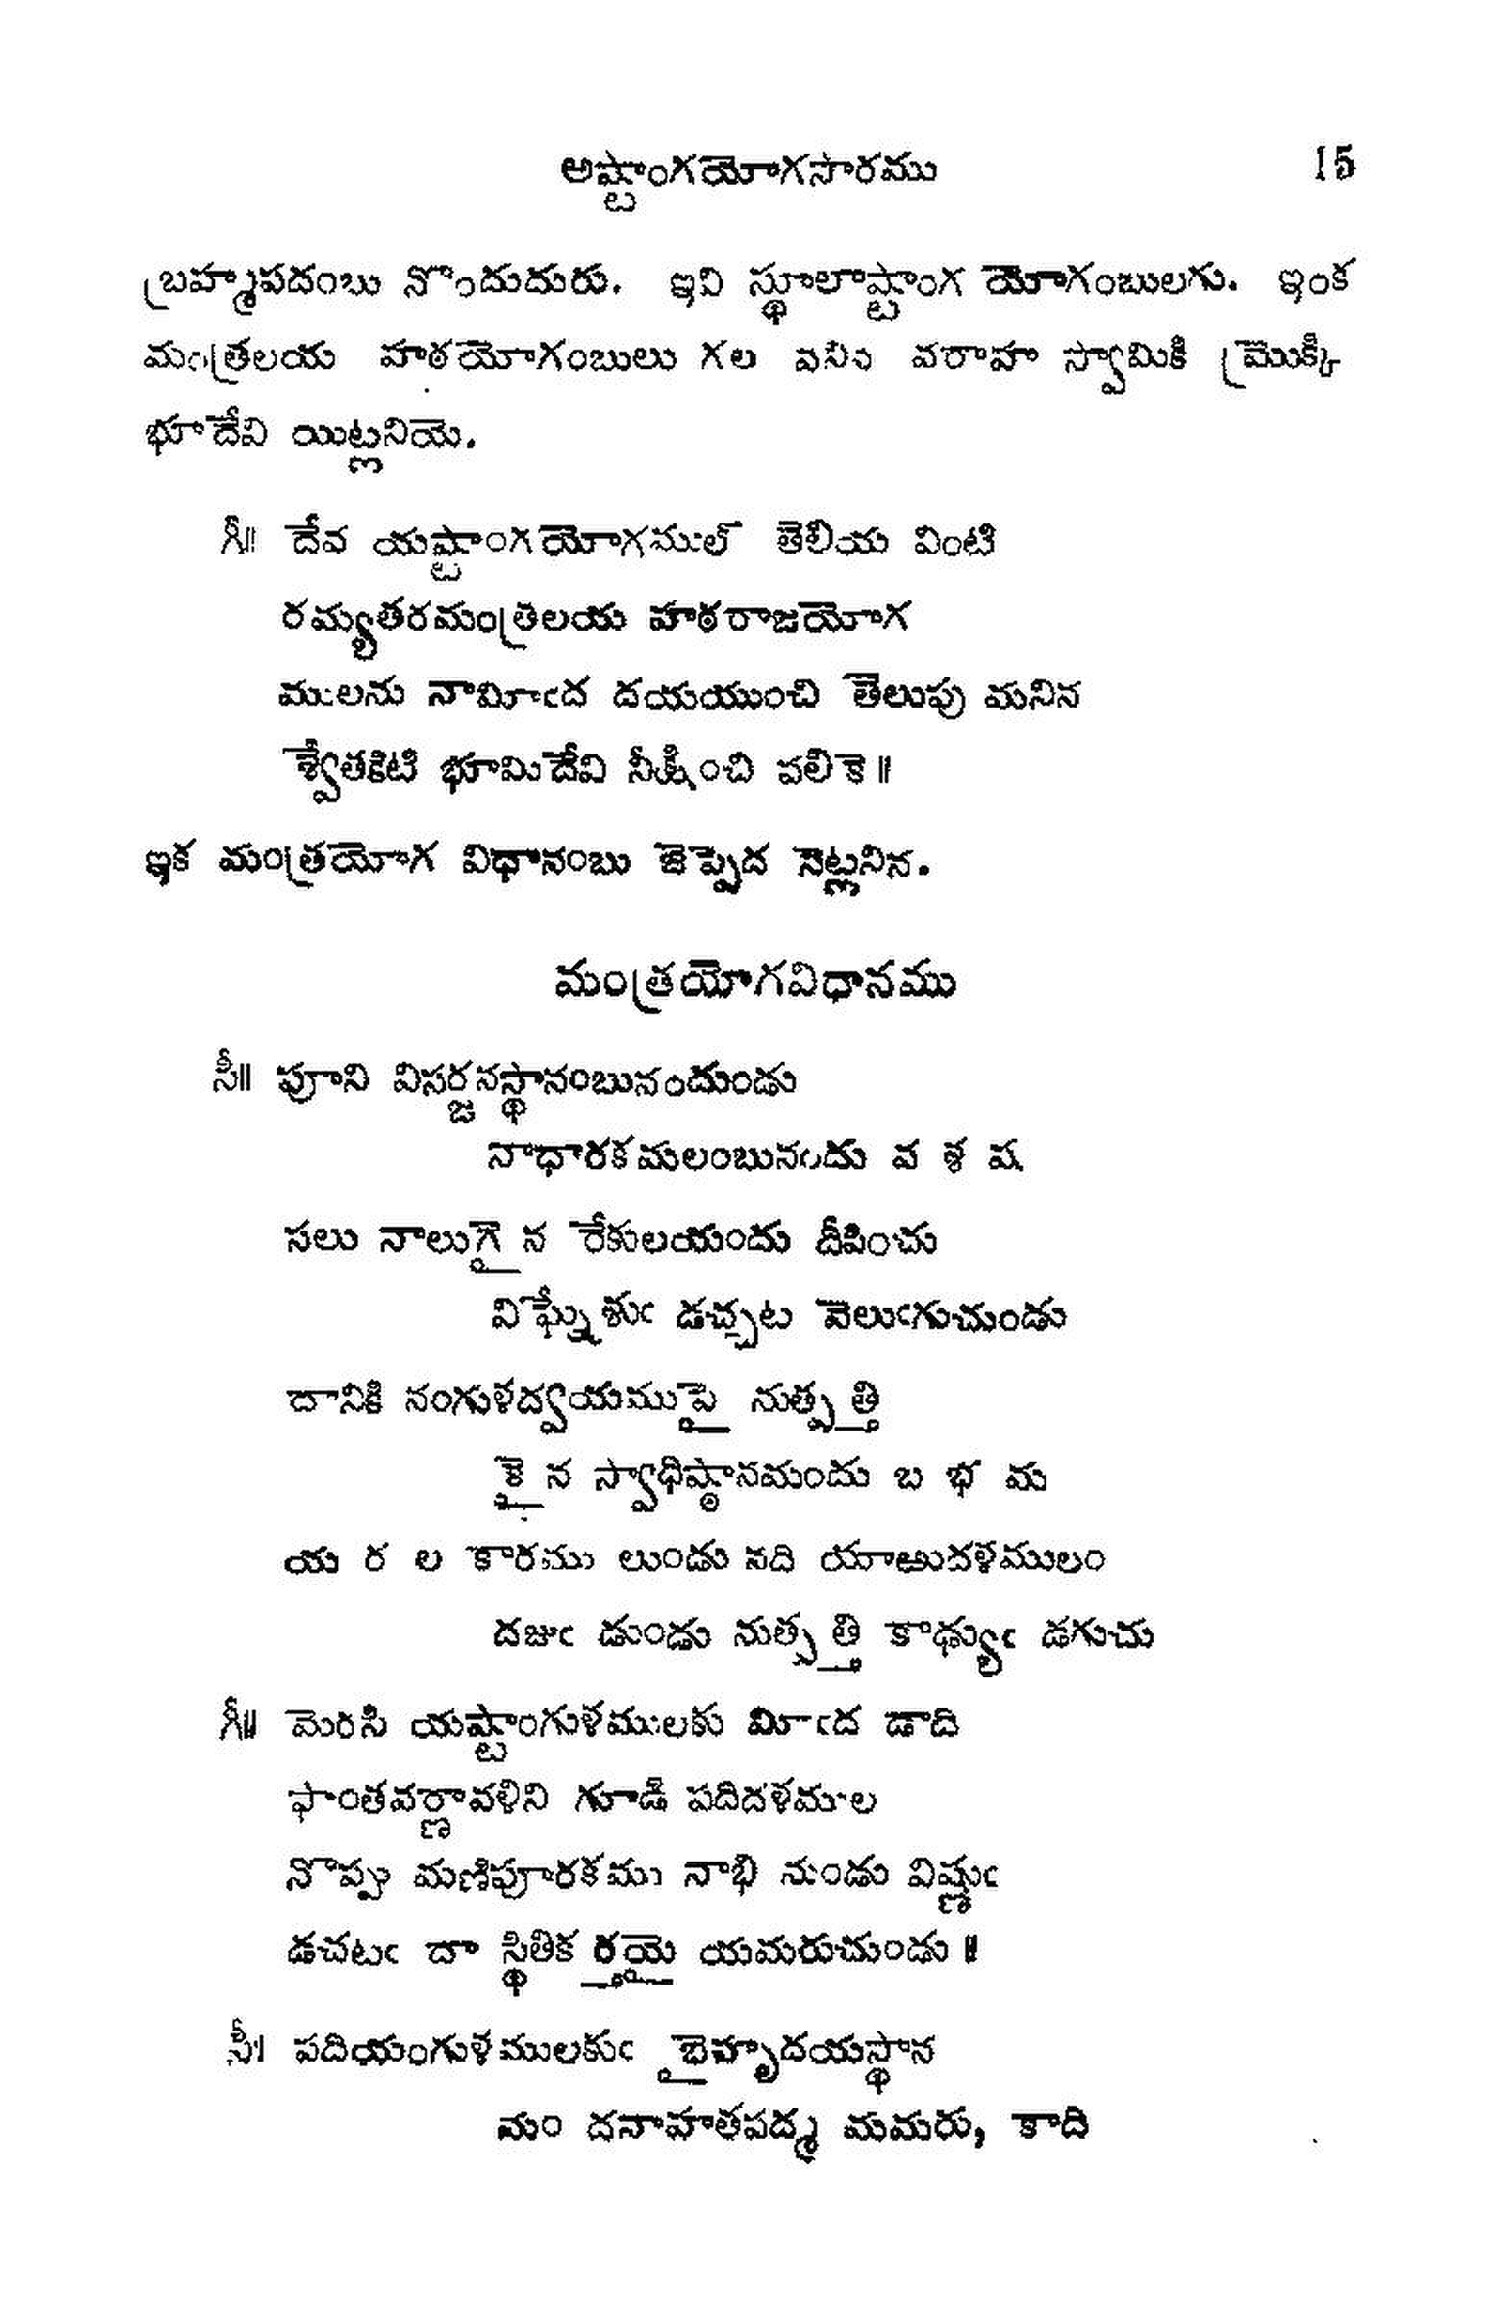బ్రహ్మపదంబు నొందుదురు. ఇవి స్థూలాష్టాంగయోగంబులగు. ఇంక మంత్రలయహఠయోగంబులు గల వనిన వరాహస్వామికి మ్రొక్కి భూదేవి యిట్లనియె.
గీ. దేవ యష్టాంగయోగముల్ తెలియ వింటి
 రమ్యతరమంత్రలయహఠరాజయోగ
 ములను నామీద దయయుంచి తెలుపు మనిన
 శ్వేతకిటి భూమిదేవి నీక్షించి పలికె.
ఇక మంత్రయోగ విధానంబు జెప్పెద నెట్లనిన.

సీ. పూని విసర్జనస్థానంబునందుండు
 నాధారకమలంబునందు వ శ ష
 సలు నాలుగైన రేకులయందు దీపించు
 విఘ్నేశుఁ డచ్చట వెలుఁగుచుండు
 దానికి నంగుళద్వయము పై నుత్పత్తి
 కైన స్వాధిష్ఠానమందు బ భ మ
 య ర ల కారము లుండు నది యాఱుదళములం
 దజుఁ డుండు నుత్పత్తి కాఢ్యుఁ డగుచు
గీ. మెరసి యష్టాంగుళములకు మీఁద డాది
 ఫాంతవర్ణావళిని గూడి పదిదళముల
 నొప్పు మణిపూరకము నాభి నుండు విష్ణు
 డచటఁ దా స్థితికర్తయై యమరుచుండు.
సీ. పదియంగుళములకుఁ బైహృదయస్థాన
 మం దనాహతపద్మ మమరు, కాది